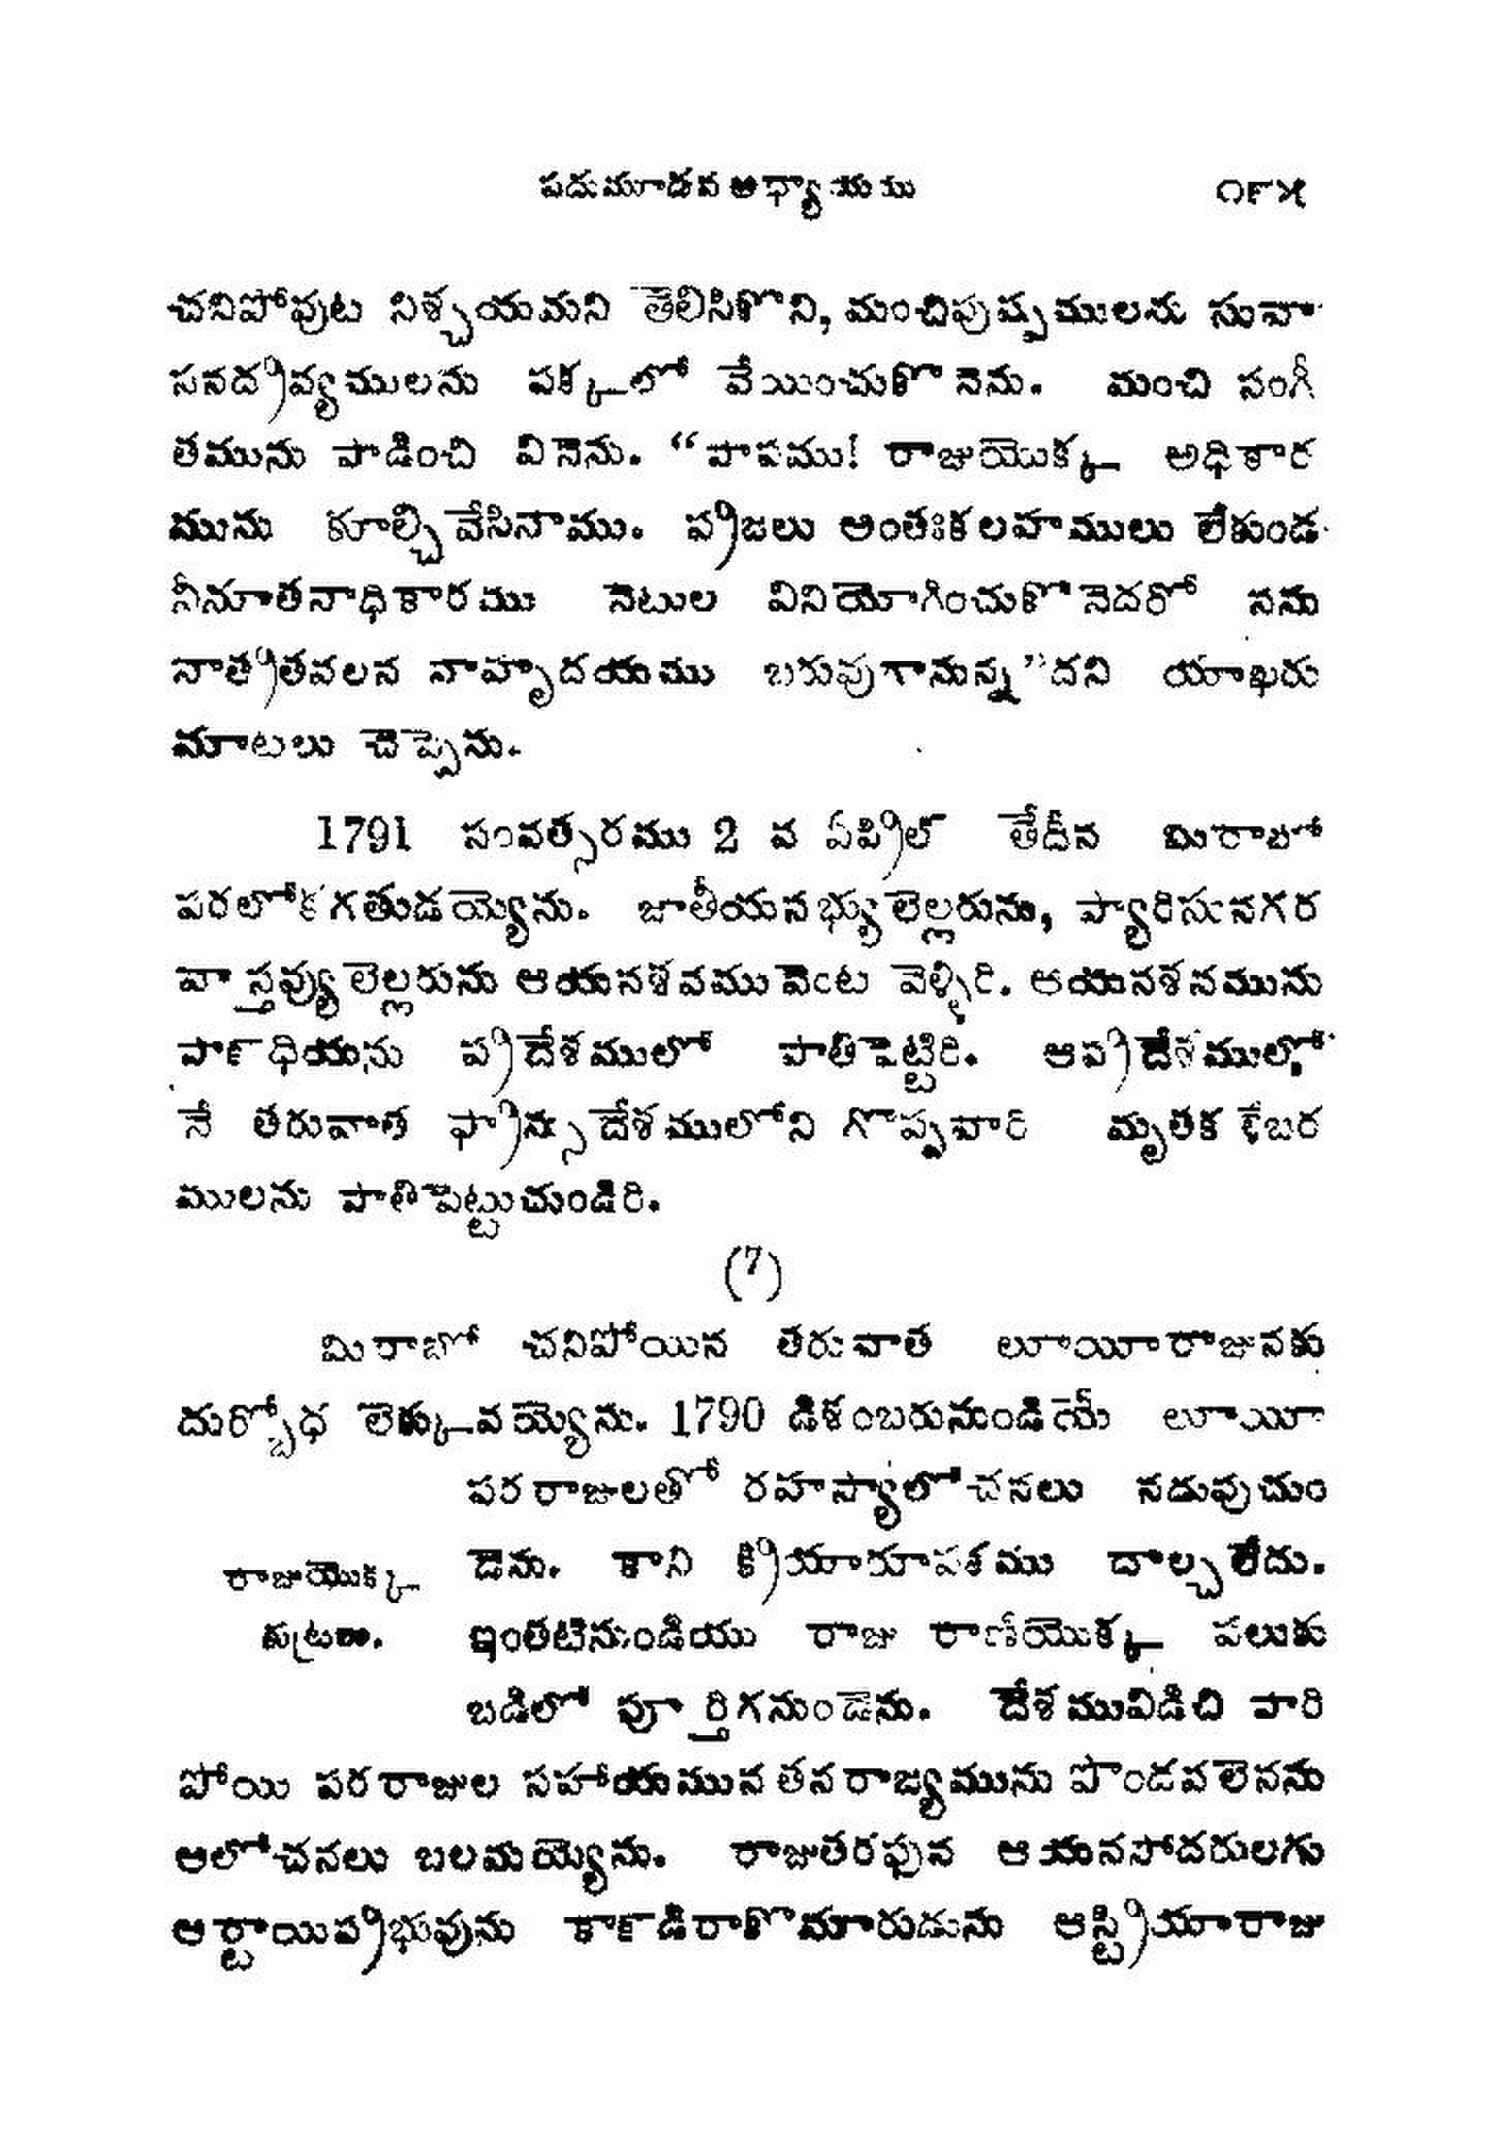చనిపోవుట నిశ్చయమని తెలిసికొని, మంచిపుష్పములను సువా
సనదవ్యములను పక్కలో వేయించుకొనెను. మంచి సంగీ
తమును పాడించి వినెను. “పాపము! రాజు యొక్క అధికార
మును కూల్చి వేసినాము. ప్రజలు అంతఃక లహములు లేకుండ
నీనూతనాధికారము నెటుల వినియోగించుకొనెదరో నను
నాత్రతవలన నాహృదయము బరువుగానున్న ”దని యాఖరు
మాటలు చెప్పెను.

1791 సంవత్సరము 2 వ ఏప్రిల్ తేదీన మిరాబో
పరలోక గతుడయ్యెను. జాతీయసభ్యు లెల్లరును, ప్యారీసు నగర
వాస్తవ్యు లెల్లరును ఆయన శవము వెంట వెళ్ళిరి. ఆయన శవమును
పాన్ ధియను ప్రదేశములో పాతి పెట్టిరి. ఆప దేశములో
నే తరువాత ఫ్రాన్సు దేశములోని గొప్పవారు మృతక కేబర
ములను పాతి పెట్టుచుండిరి.

రాజు యొక్క
కుట్రలు.

మిరాబో చనిపోయిన తరువాత లూయీరాజునకు 
ద్దుర్భోద లెక్కువయ్యెను.1790 డిశంబరు నుండియే లూయీ
 రాజు క్పర రాజులతో రహస్యాలోచనలుయ్ నడుపుచుండెను. కాని 
కియా రూపకము దాల్చలేదు. ఇంతటి నుండియు రాజు రాణి యొక్క 
పలుకు బడిలో పూర్తిగ నుండెను. దేశము విడిచి పారి 
పోయి పర రాజుల సహాయమున తన రాజ్యమును పొందవలెనను
ఆలోచనలు బలమయ్యెను. రాజుతరఫున ఆయన సోదరులగు
ఆర్టాయి ప్రభువును కాఁన్ డిరా కొమారుడుసు ఆస్ట్రియా రాజు